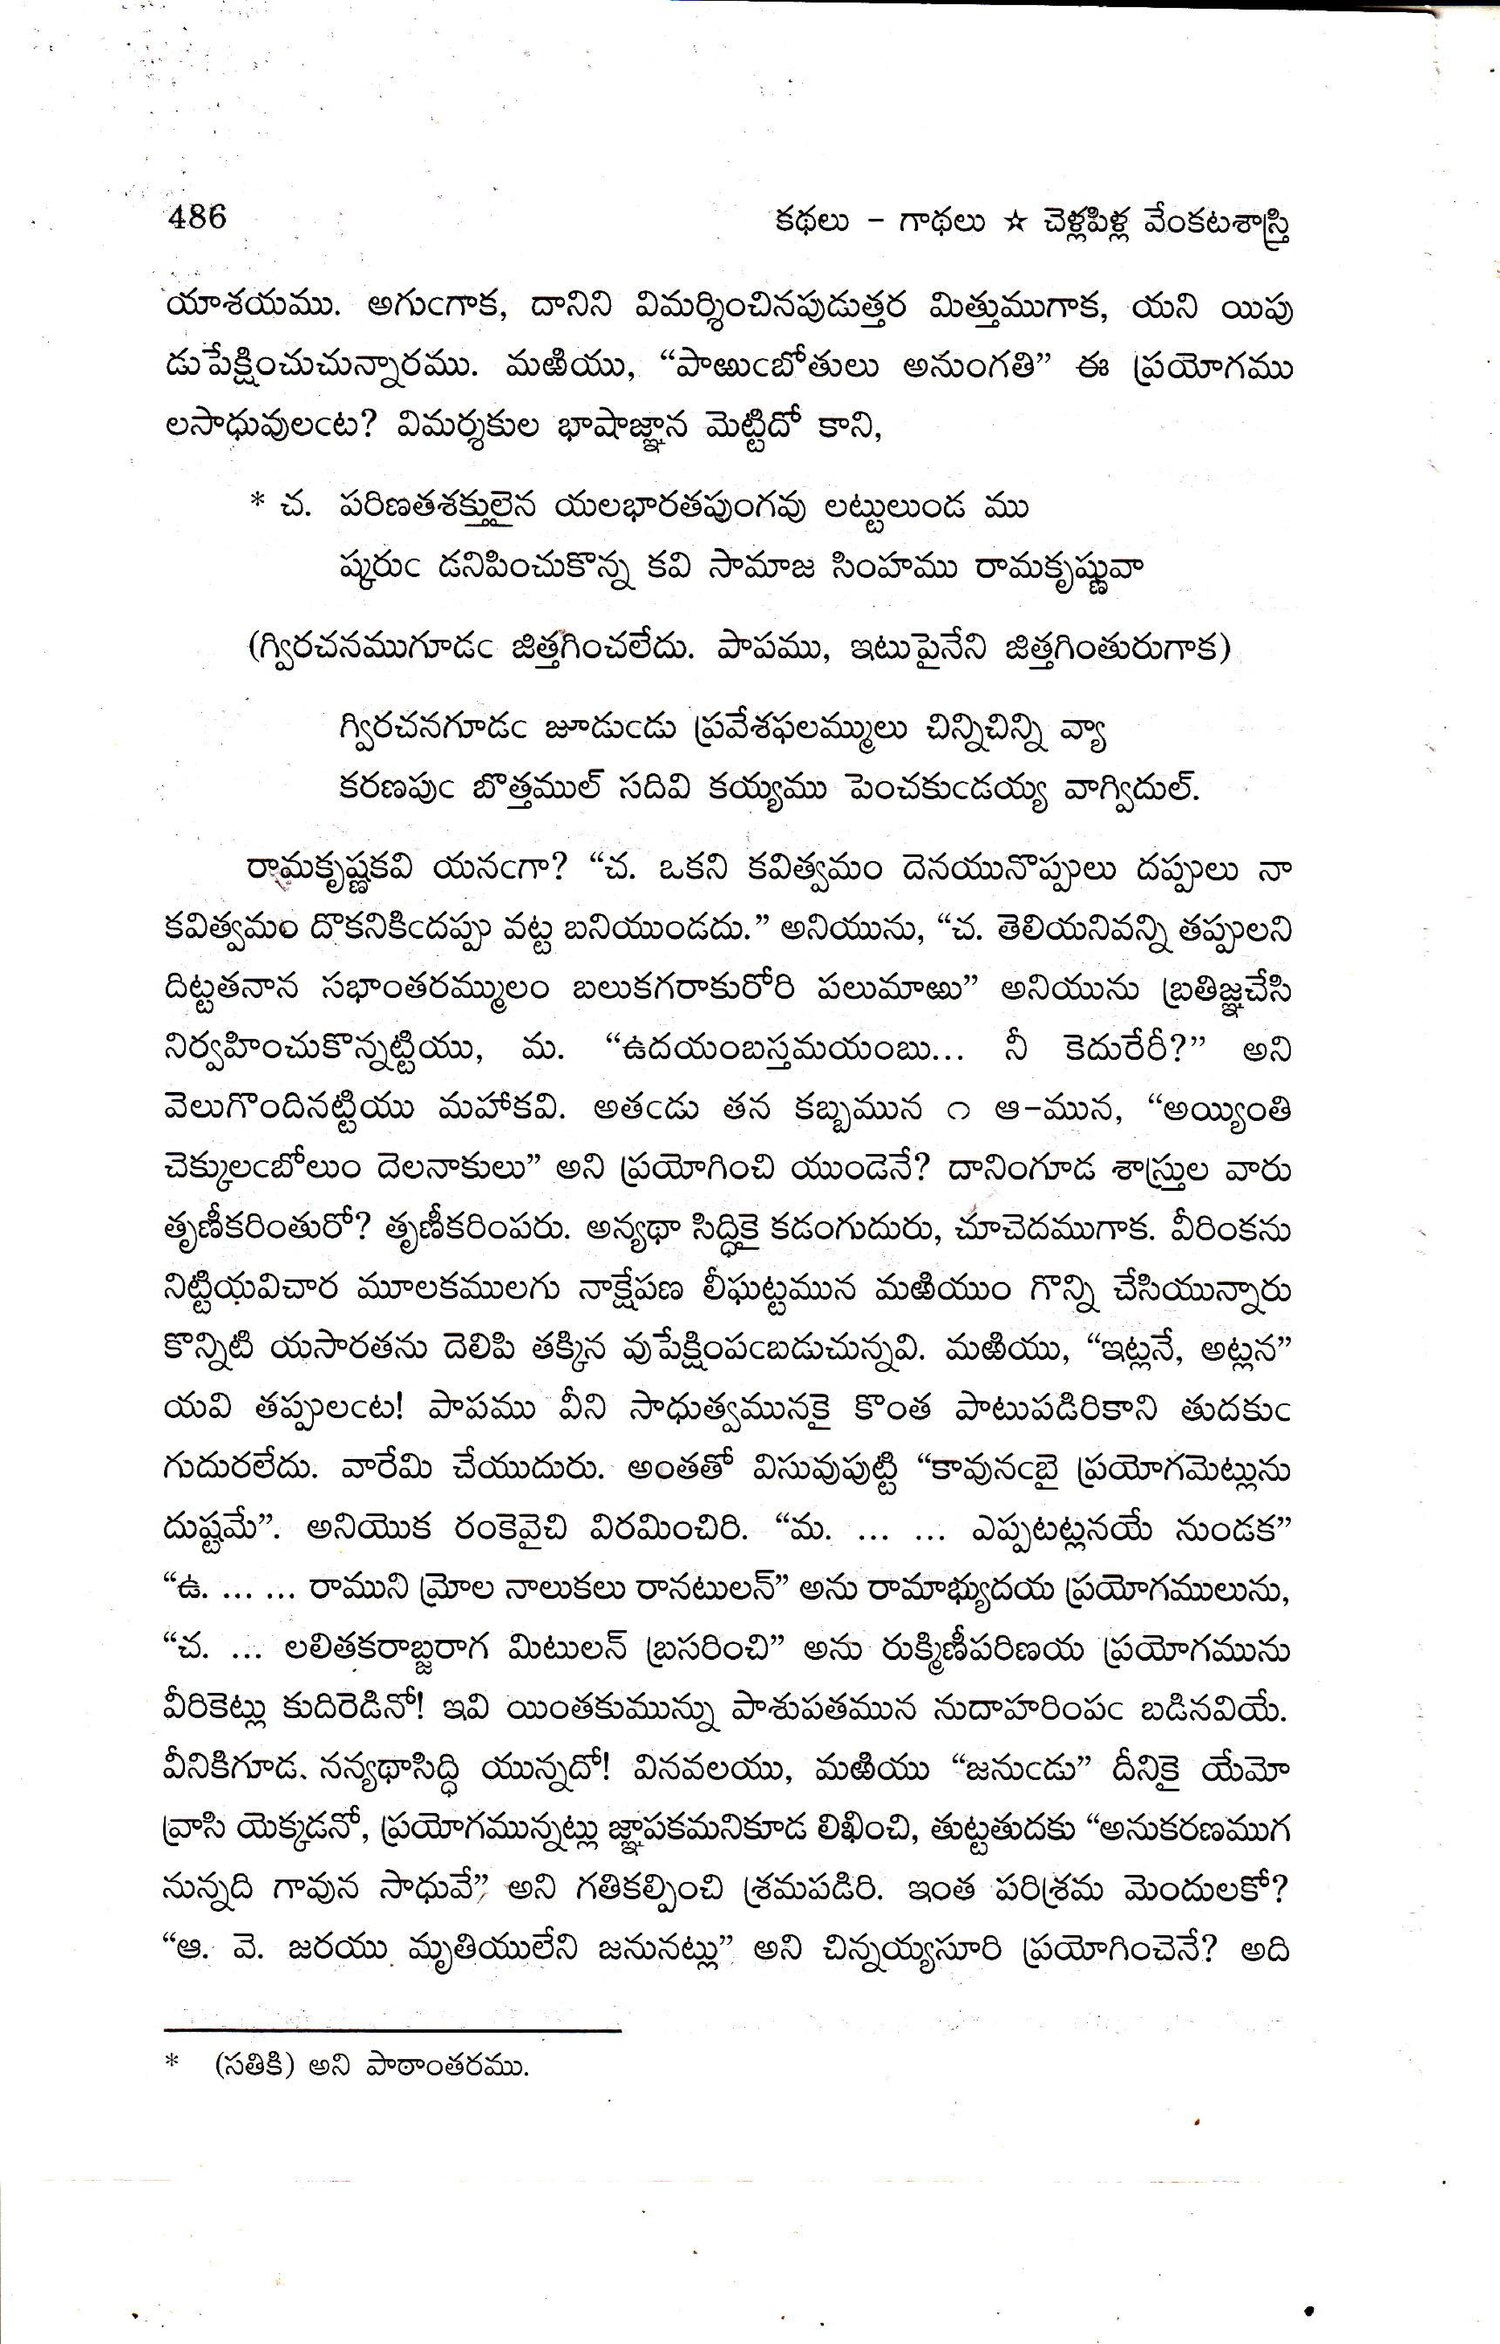యాశయము. అగుఁగాక, దానిని విమర్శించినపుడుత్తర మిత్తుముగాక, యని యిపు డుపేక్షించుచున్నారము. మఱియు, “పాఱుఁబోతులు అనుంగతి" ఈ ప్రయోగము లసాధువులఁట? విమర్శకుల భాషాజ్ఞాన మెట్టిదో కాని,

చ. పరిణతశక్తులైన యలభారతపుంగవు లట్టులుండ ము
 ష్కరుఁ డనిపించుకొన్న కవి సామాజ సింహము రామకృష్ణువా

(గ్విరచనముగూడఁ జిత్తగించలేదు. పాపము, ఇటుపైనేని జిత్తగింతురుగాక)

 గ్విరచనగూడఁ జూడుఁడు ప్రవేశఫలమ్ములు చిన్నిచిన్ని వ్యా 
 కరణపుఁ బొత్తముల్ సదివి కయ్యము పెంచకుఁడయ్య వాగ్విదుల్.
రామకృష్ణకవి యనఁగా? "చ. ఒకని కవిత్వమం దెనయునొప్పులు దప్పులు నా కవిత్వమం దొకనికిఁదప్పు వట్ట బనియుండదు." అనియును, "చ. తెలియనివన్ని తప్పులని దిట్టతనాన సభాంతరమ్ములం బలుకగరాకురోరి పలుమాఱు" అనియును బ్రతిజ్ఞచేసి నిర్వహించుకొన్నట్టియు, మ. “ఉదయంబస్తమయంబు... నీ కెదురేరీ?” అని వెలుగొందినట్టియు మహాకవి. అతఁడు తన కబ్బమున 1 ఆ - మున, “అయ్యింతి చెక్కులఁబోలుం దెలనాకులు" అని ప్రయోగించి యుండెనే? దానింగూడ శాస్రుల వారు తృణీకరింతురో? తృణీకరింపరు. అన్యథా సిద్ధికై కడంగుదురు, చూచెదముగాక. వీరింకను నిట్టియవిచార మూలకములగు నాక్షేపణ లీఘట్టమున మఱియుం గొన్ని చేసియున్నారు కొన్నిటి యసారతను దెలిపి తక్కిన వుపేక్షింపఁబడుచున్నవి. మఱియు, "ఇట్లనే, అట్లన" యవి తప్పులఁట! పాపము వీని సాధుత్వమునకై కొంత పాటుపడిరికాని తుదకుఁ గుదురలేదు. వారేమి చేయుదురు. అంతతో విసువుపుట్టి "కావునఁబై ప్రయోగమెట్లను దుష్టమే". అనియొక రంకెవైచి విరమించిరి. “మ. ... ... ఎప్పటట్లనయే నుండక" “ఉ. ... ... రాముని మ్రోల నాలుకలు రానటులన్" అను రామాభ్యుదయ ప్రయోగములును, “చ. ... లలితకరాబ్జరాగ మిటులన్ బ్రసరించి" అను రుక్మిణీపరిణయ ప్రయోగమును వీరికెట్లు కుదిరెడినో! ఇవి యింతకుమున్ను పాశుపతమున నుదాహరింపఁ బడినవియే. వీనికిగూడ, నన్యథాసిద్ధి యున్నదో వినవలయు, మఱియు “జనుఁడు" దీనికై యేమో వ్రాసి యెక్కడనో, ప్రయోగమున్నట్లు జ్ఞాపకమనికూడ లిఖించి, తుట్టతుదకు "అనుకరణముగ నున్నది గావున సాధువే" అని గతికల్పించి శ్రమపడిరి. ఇంత పరిశ్రమ మెందులకో? “ఆ. వె. జరయు మృతియులేని జనునట్లు" అని చిన్నయ్యసూరి ప్రయోగించెనే? అది